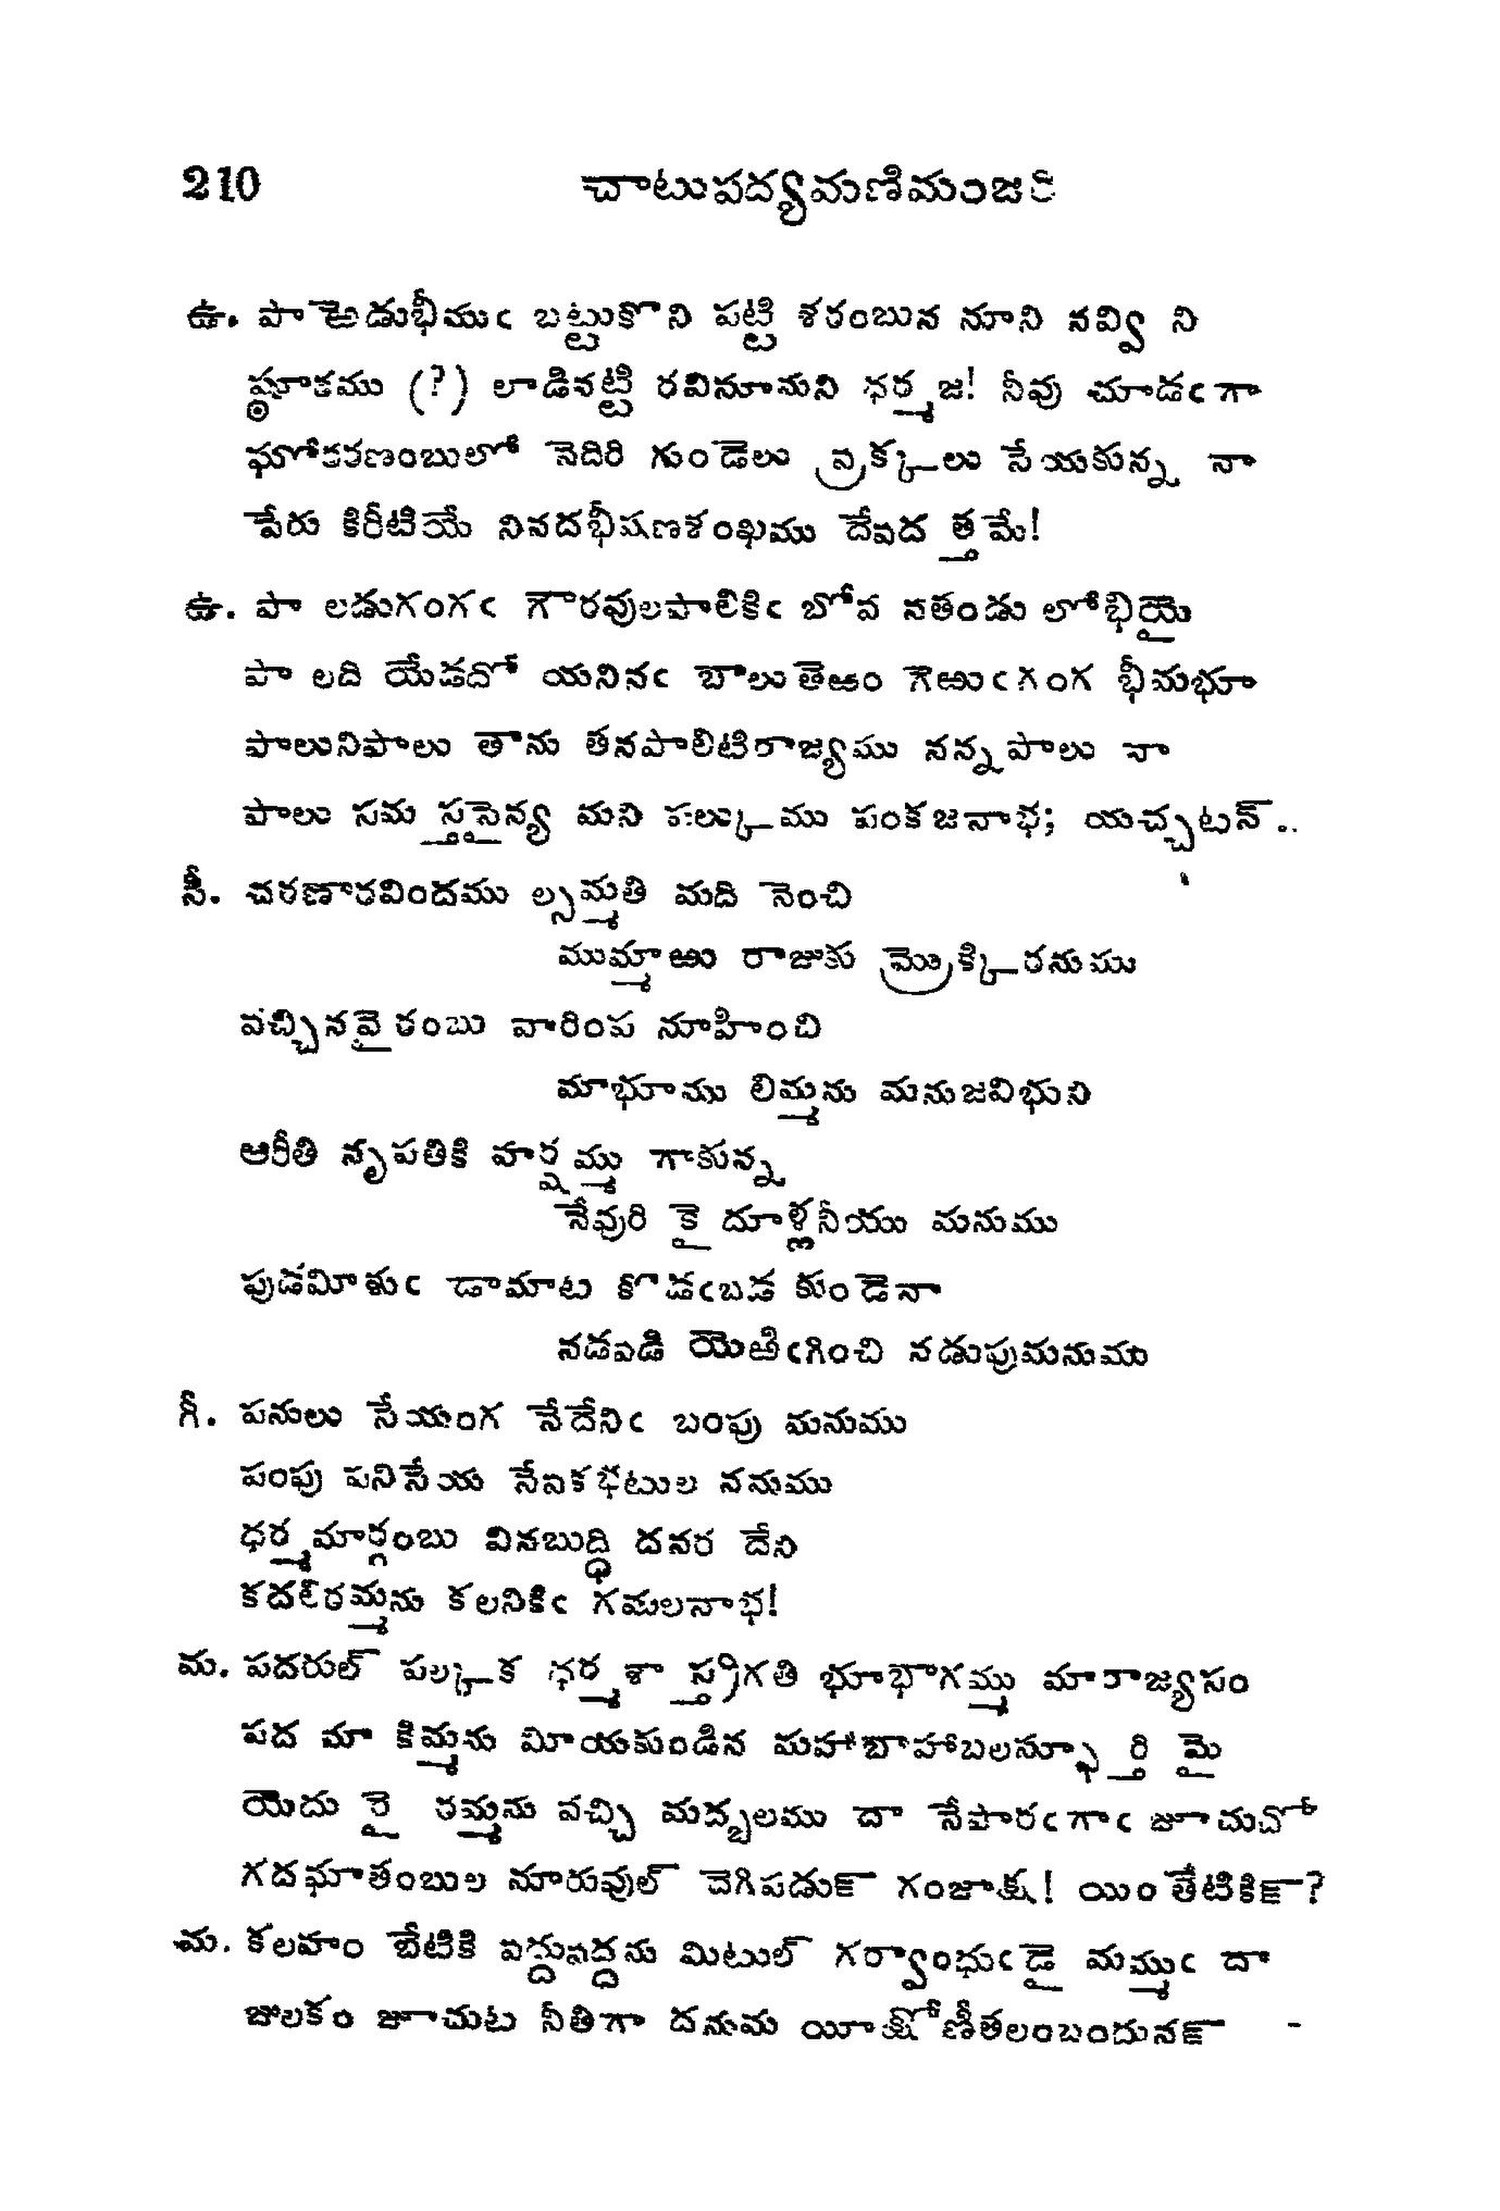ఉ. పాఱెడుభీముఁ బట్టుకొని పట్టి శరంబున నూనినిల్చి ని
 ష్ఠూరము (?) లాడినట్టి రవిసూనుని ధర్మజ! నీవు చూడఁగా
 ఘోరరణంబులో నెదిరి గుండెలు వ్రక్కలు సేయకున్న నా
 పేరు కిరీటియే నినదభీషణశంఖము దేవదత్తమే!
ఉ. పా లడుగంగఁ గౌరవులపాలికిఁ బోవ నతండు లోభియై
 పా లది యేడదో యనినఁ బాలుతెఱం గెఱుఁగంగ భీమభూ
 పాలునిపాలు తాను తనపాలిటిరాజ్యము నన్నపాలు నా
 పాలు సమస్తసైన్య మని పల్కుము పంకజనాభ; యచ్చటన్.
సీ. చరణారవిందము ల్సమ్మతి మది నెంచి
 ముమ్మాఱు రాజుకు మ్రొక్కి రనుము
 వచ్చినవైరంబు వారింప నూహించి
 మాభూము లిమ్మను మనుజవిభుని
 ఆరీతి నృపతికి హర్షమ్ము గాకున్న
 నేవురి కైదూళ్ళ నీయు మనుము
 పుడమీశుఁ డామాట కొడఁబడ కుండెనా
 నడవడి యెఱిఁగించి నడుపు మనుము
గీ. పనులు సేయంగ నేదేనిఁ బంపు మనుము
 పంపు పనిసేయ సేవకభటుల ననుము
 ధర్మమార్గంబు వినబుద్ధి దనర దేని
 కదలిరమ్మను కలనికిఁ గమలనాభ!
మ. పదరుల్ పల్కక ధర్మశాస్త్రగతి భూభాగమ్ము మారాజ్యసం
 పద మా కిమ్మను మీయకుండిన మహాబాహాబలస్ఫూర్తి మై
 యెదు రై రమ్మను వచ్చి మద్బలము దా నేపారఁగాఁ జూచుచో
 గదఘాతంబుల నూరువుల్ దెగిపడున్ గంజాక్ష! యింతేటికిన్?
మ. కలహం బేటికి వద్దువద్దను మిటుల్ గర్వాంధుఁడై మమ్ముఁ దా
 జులకం జూచుట నీతిగా దనుమ యీక్షోణీతలంబందునన్